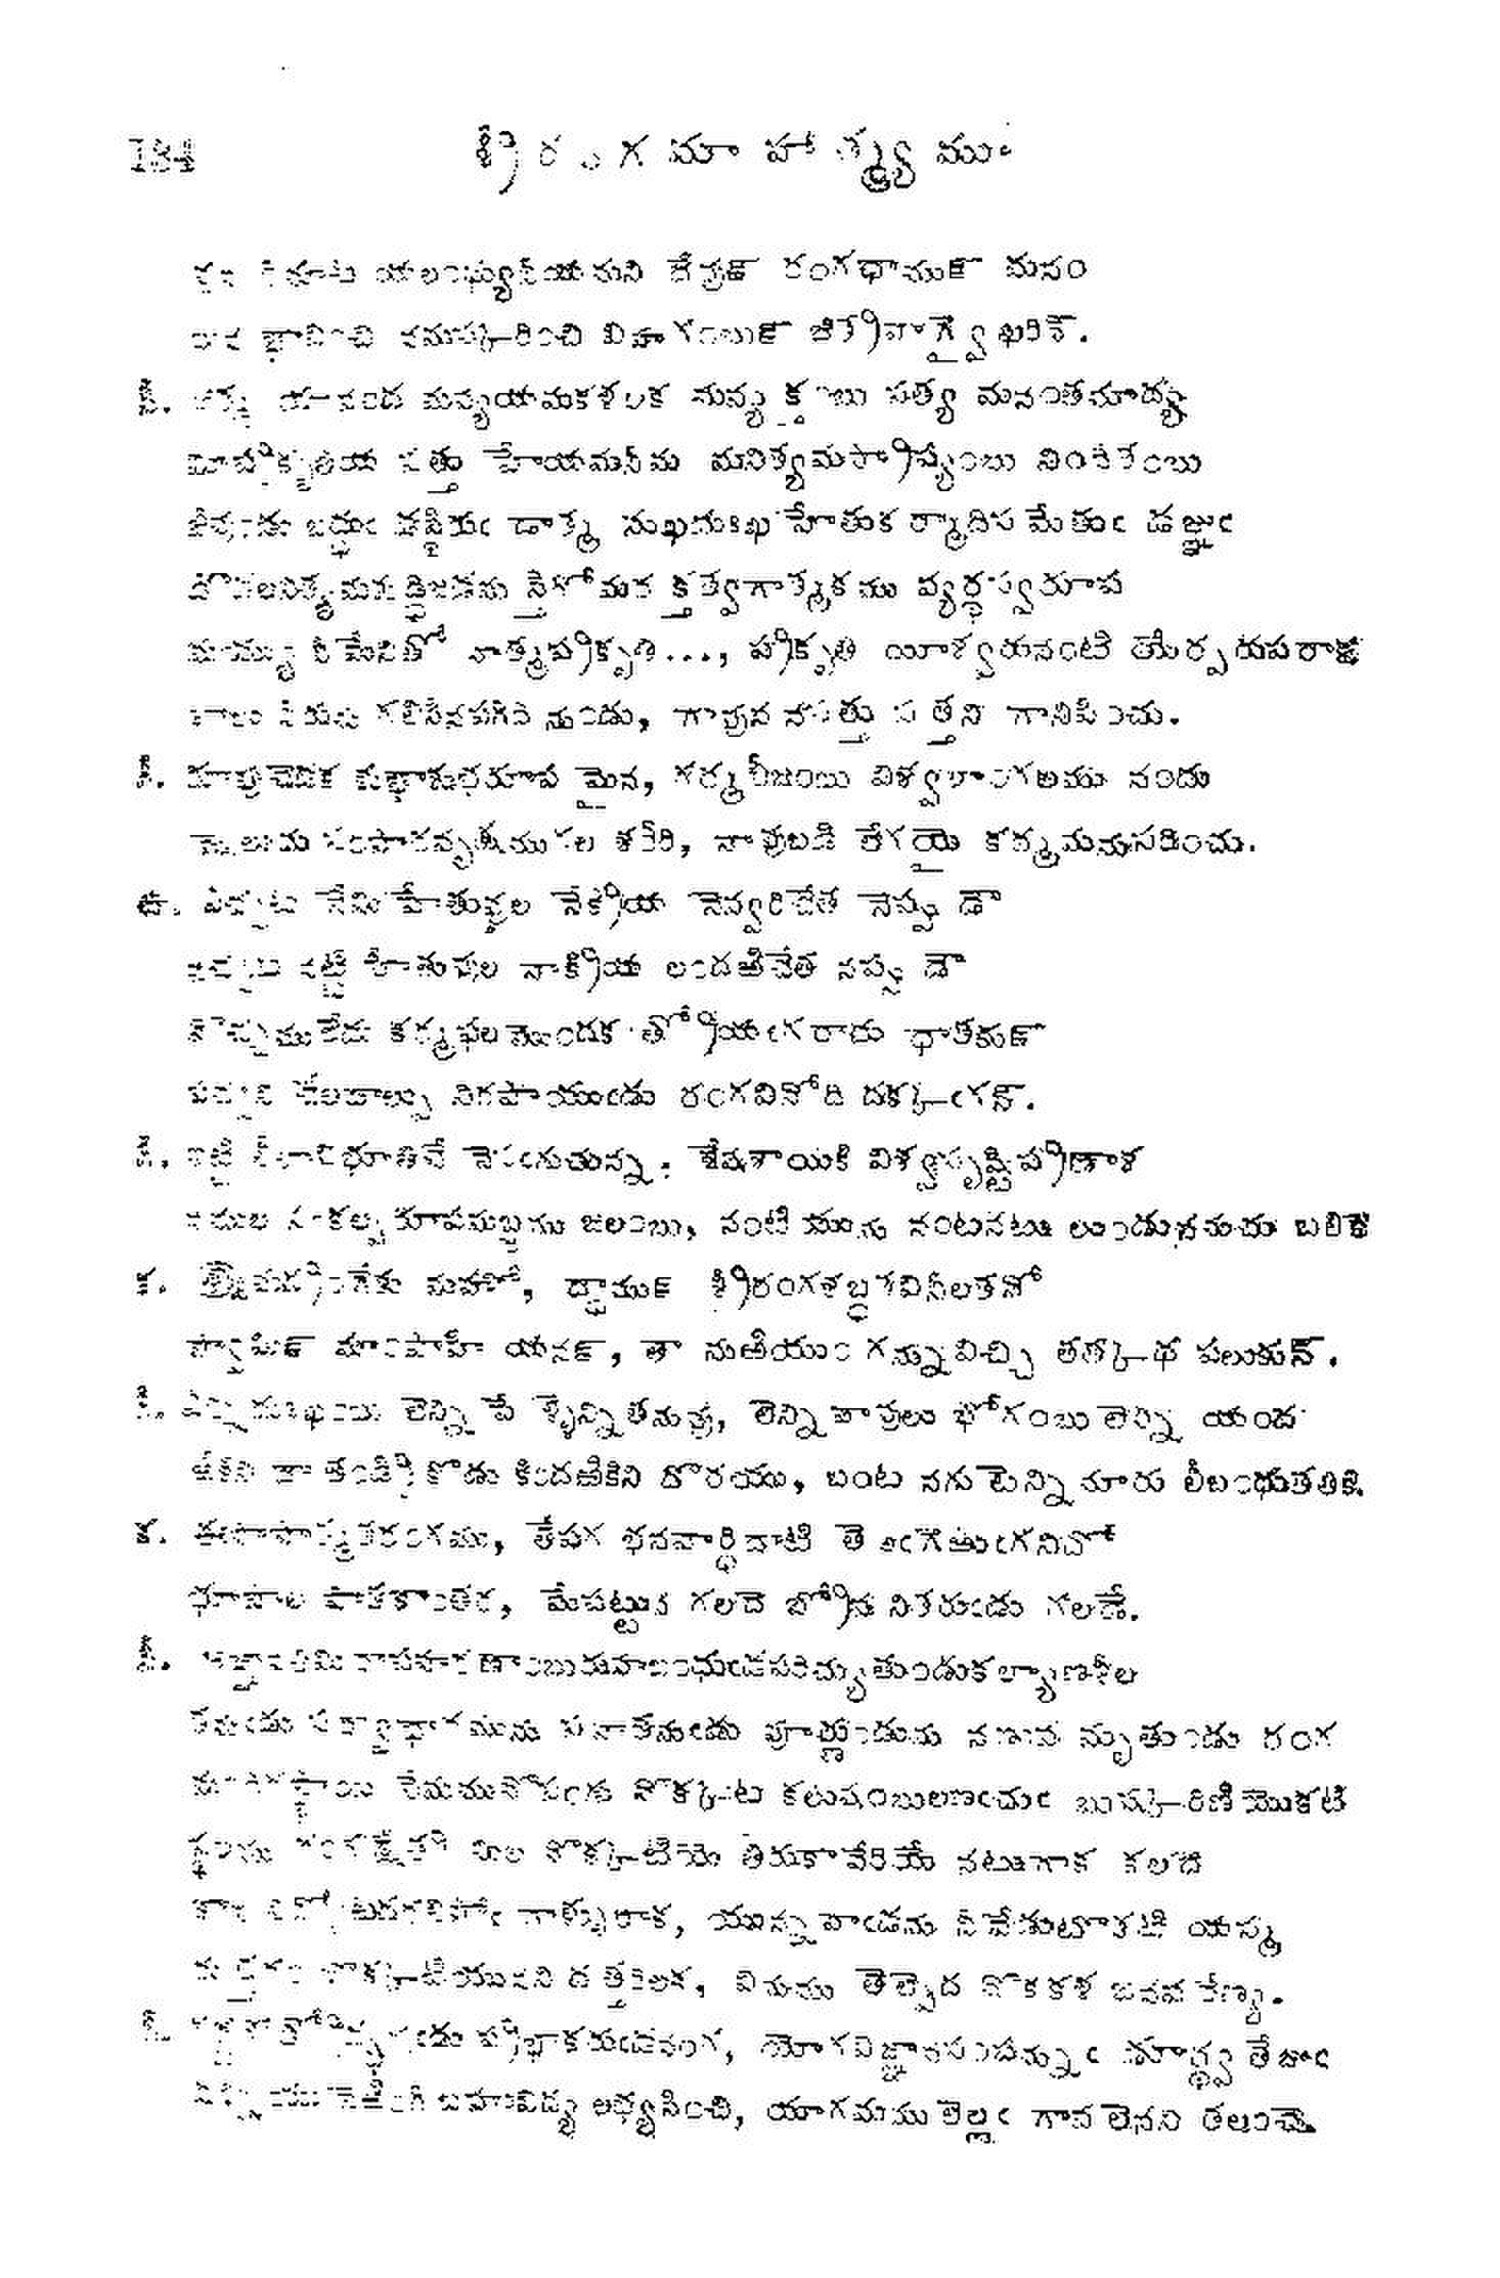వున నీమాట యలంఘ్యనీయమని దేవున్ రంగధామున్ మనం
 బున భావించి నమస్కరించి విహగంబున్ జిత్రవాగ్వైఖరిన్.
సీ. ఆత్మ యానంద మవ్యయమకళంక మవ్యక్తంబు సత్య మనంత మాద్య
 మీప్రకృతి సత్తు హేయమనీయ మనిత్య మప్రాప్యంబు నిందితంబు
 జీవుఁడు బద్ధుఁ డస్థిరుఁ డాత్మ సుఖదుఃఖతుకర్మాదిసమేతుఁ డజ్ఞు
 డొడల నిత్యమశుద్ధిజడమస్తిరోమరక్తత్వగాత్మకము వ్యర్థస్వరూప
 మయ్యు నీమేనితో నాత్మ ప్రకృతి, ప్రకృతి యీశ్వరునంటి యేర్పరుప రాక
 పాలు నీరును గలసినపగిది నుండు, గావున నసత్తు సత్తని గానిపించు.
గీ. రూపు చెడక శుభాశుభరూప మైన, గర్మబీజంబు విశ్వలాంగలము నందు
 మొలుచు సంసారవృక్షము గలశరీరి, నావుబడి లేగయై కర్మమనుసరించు.
ఉ. ఎచ్చట నేమి హేతువుల నేక్రియ నెవ్వరిచేత నెప్పు డౌ
 నచ్చట నట్టి హేతువుల నాక్రియ లందఱిచేత నప్పు డౌ
 వొచ్చము లేదు కర్మఫల మొందక త్రోయగరాదు ధాతకున్
 పచ్చని చేలదాల్పు నిరపాయుఁడు రంగవినోది దక్కఁగన్.
గీ. ఇట్టి లీలావిభూతిచే నెసఁగుచున్న, శేషశాయికి విశ్వసృష్టిప్రణాశ
 నముల సంకల్పరూప మబ్జము జలంబు, నంటియును నంటనటు లుండు ననుచు బలికె.
క. శ్రీమద్రంగేశు మహో, ద్ధామున్ శ్రీరంగశబ్దతవినీలతనో
 స్వామిన్ మాంపాహీ యనన్, తా మఱియుం గన్ను విచ్చి తత్కథ పలుకున్.
గీ. ఎన్నిదుఃఖంబు లెన్నిపే ళ్ళేన్నితనువు, లెన్నివావులు భోగంబులెన్ని యంద
 ఱికిని దా తండ్రికొడు కిందఱికిని దొరయు, బంట నగుటెన్నిమారు లీబంధుతతికి.
క. ఈపాపాత్మతరంగము, తేపగ భవవార్థి దాటి తెఱఁగెఱుఁగనిచో
 భూపాల పాతకాంతర, మేపట్టున గలదె బ్రోవ నితరుఁడు గలడే.
సీ. అజ్ఞానతిమిదాపహరణాంబురుహబంధుఁ డపరిచ్యుతుండు కళ్యాణశీల
 తనుఁడు సర్వాధారమును సనాతనుఁడు పూర్ణుండును నణు వమృతుండు రంగ
 మందిరస్థాయి నేమము నొసఁగు నొక్కట కలుషంబు లణచుఁ బుష్కరిణియొకటి
 స్థలము రంగక్షేత్ర మిల నొక్కటియె తిరుకావేరియే నటుగాక కలదె
 కాన నిచ్చోట తరలిపోఁ గాళ్ళు రాక, యున్నవాఁడను నీవేడుటొకటి యస్మ
 దుత్తరం బొక్కటియునని దత్తరిలక, వినుము తెల్పెద నొకకథ జనవరేణ్య.
గీ. గర్గగోత్రోద్భవుఁడు ప్రభాకరుఁ డనంగ, యోగవిజ్ఞానసంపన్నుఁ డూర్ధ్వతేజుఁ
 డన్నియు నెఱింగి బహువిద్య లభ్యసించి, యాగమములెల్లఁ గావలెనని తలంచె.